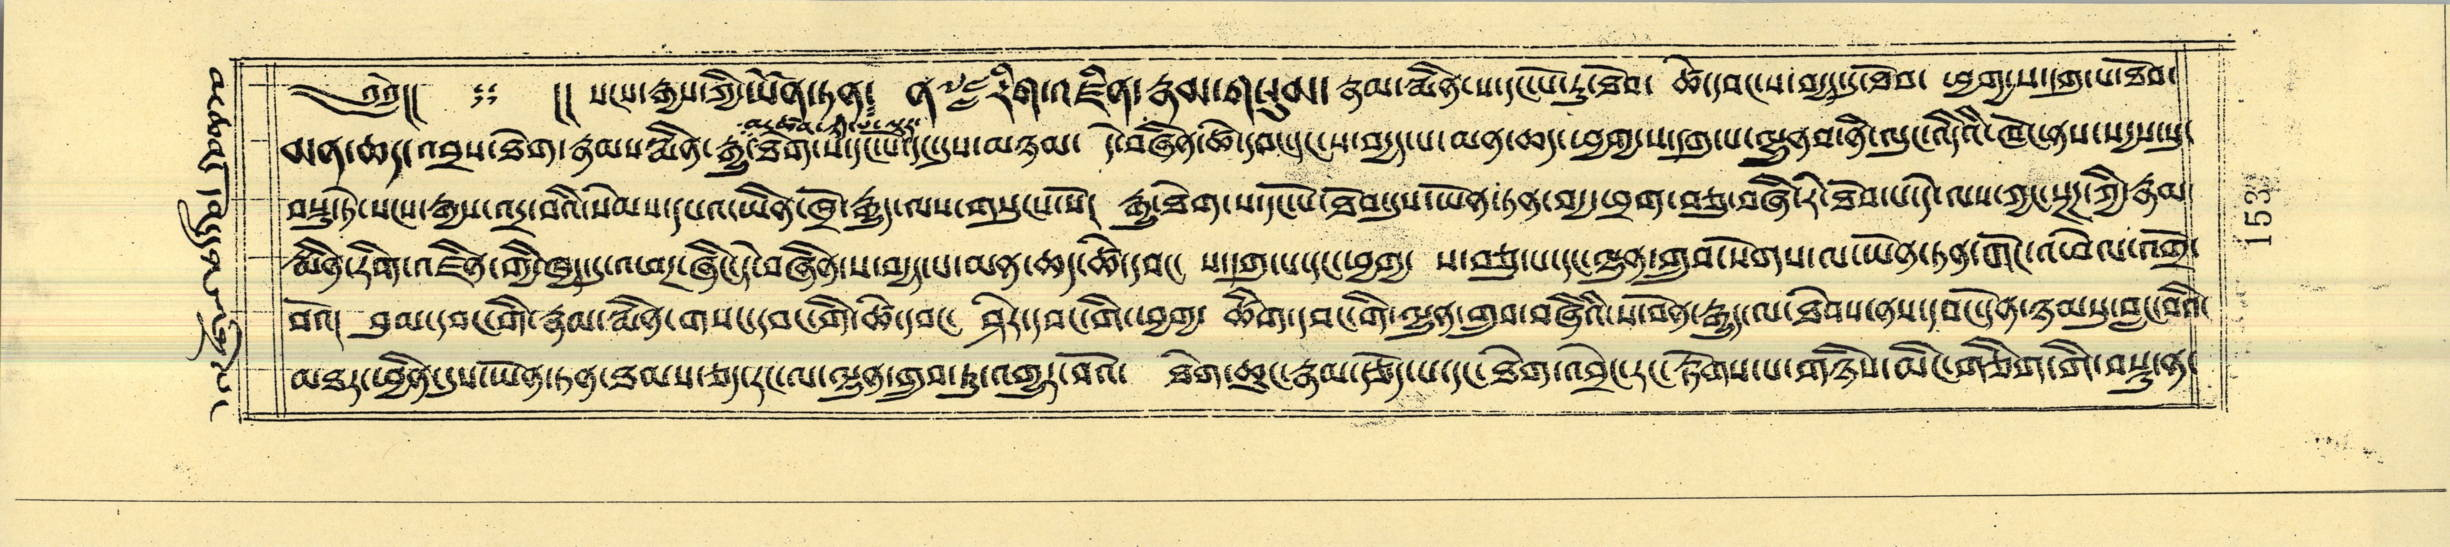སངས་རྒྱས་ཀྱི་༼ཡོན་ཏན༽ན༧༤།༤༼རིག་འཛིན་རྣམ་གསུམ༽རྣམ་སྨིན་ས་དང་པོ་ལ་ཐོབ་ཚེ་དབང་ས་བརྒྱད་དུ་ཐོབ་ཕྱག་རྒྱ་ས་དགུ་པ་ཐོབ་
མན་ཆད་འབྲས་ཐེག་རྣམས་སྨིན་རྒྱུ་མཚན་ཉིད་པ་ལྟར་ས་དང་པོའི་དུས་དང་མཉམ་དེ་བཞིན་ཚེ་དབང་དང་ས་བརྒྱད་པ་མན་ཆད་ཕྱག་རྒྱ་ས་དགུ་པ་ལྷུན་གྲུབ་ནི་ལུང་འདིའི་ཁོང་ནས་སངས་རྒྱས་སུ་
བསྡུ་སྟེ་སངས་རྒྱས་འདྲ་བའི་སེམས་དཔའ་ཡིན་ཁྲོ་རྒྱུད་ལས་གསུངས་སོ། རྒྱུ་ཐེག་པ་དང་པོ་ཐོབ་དུས་ཡོན་ཏན་བརྒྱ་ཕྲག་བཅུ་བཞི་རེ་ཐོབ་པ་དེ་ལས་ཀྱང་སྔགས་ཀྱི་རྣམ་
སྨིན་རིག་འཛིན་གྱི་ཁྱད་དུ་འཕགས་ཤིང་དེ་བཞིན་ས་བརྒྱད་པ་མན་ཆད་ཚེ་དབང་ས་དགུ་པ་དང་ཕྱག་རྒྱ་ས་བཅུ་པ་དང་ལྷུན་གྲུབ་སོགས་ལ་ཡོན་ཏན་གོང་འཕེལ་འགྲོ་
བའོ། བུམ་དབང་གི་རྣམ་སྨིན་གསང་དབང་གི་ཚེ་དབང་། ཤེར་དབང་ཕྱག་རྒྱ་ཚིག་དབང་གི་ལྷུན་གྲུབ་བཞིའི་ས་བོན་རྒྱུད་ལ་ཐེབས་ནས་དབང་དོན་ཉམས་སུ་བླང་བའི་
མཐར་ཕྱིན་དུས་ཡོན་ཏན་ཐམས་ཅད་རང་ལ་ལྷུན་གྲུབ་ཏུ་འགྱུར་བའོ། ཐེག་ཆུང་རྣམ་རྩོད་པ་དང་ཐེག་འབྲིང་རང་རྟོགས་པ་གཉིས་མིང་གཅིག་གི་བསྡུ་ན་